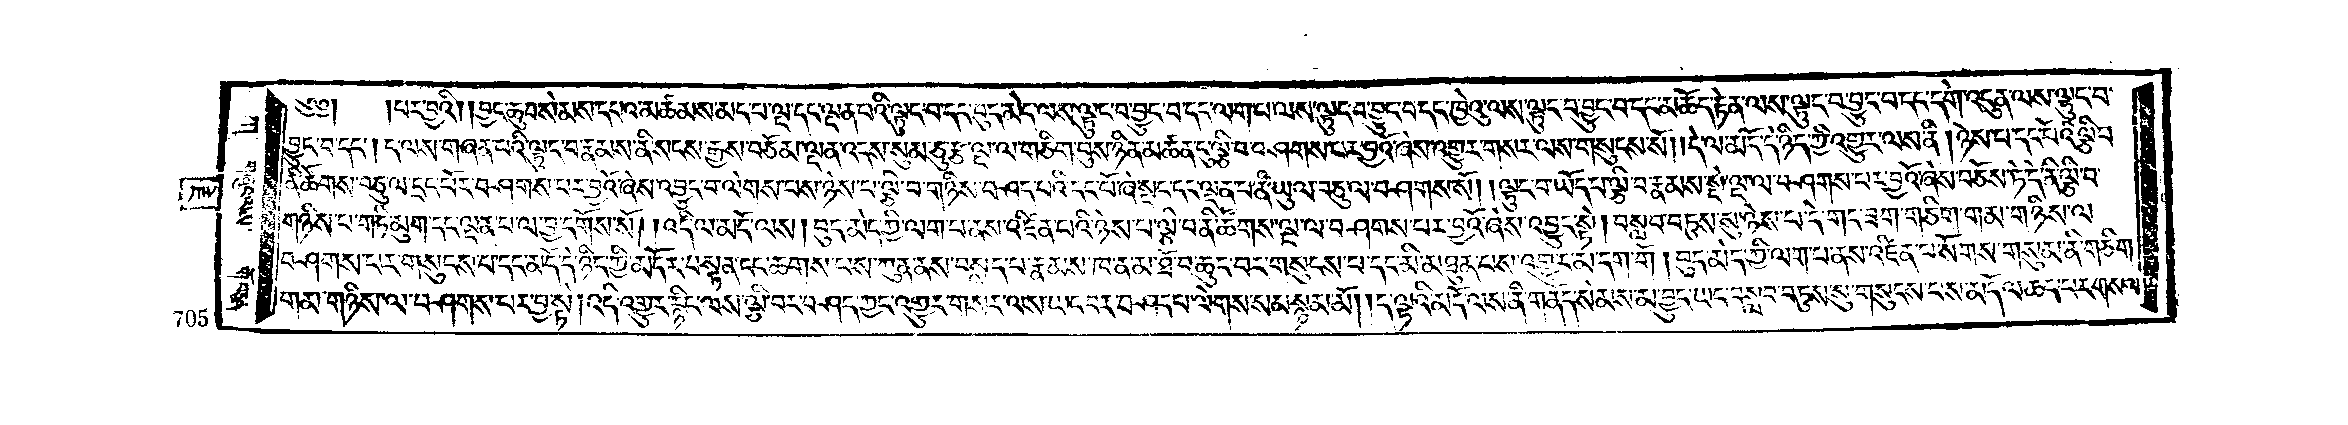༄༅། །པར་བྱའི། །བྱང་ཆུབ་སེམས་དཔའ་མཚམས་མད་པ་ལྔ་དང་ལྡན་པའི་ལྟུང་བ་དང་བུད་མེད་ལས་ལྟུང་བ་བྱུང་བ་དང་ལག་པ་ལས་ལྟུང་བ་བྱུང་བ་དང་ཁྱེའུ་ལས་ལྟུང་བ་བྱུང་བ་དང་མཆོད་རྟེན་ལས་ལྟུང་བ་བྱུང་བ་དང་དགེ་འདུན་ལས་ལྟུང་བ་
བྱུང་བ་དང་། ད་ལས་གཞན་པའི་ལྟུང་བ་རྣམས་ནི་སངས་རྒྱས་བཅོམ་ལྡན་འདས་སུམ་ཅུ་རྩ་ལྔ་ལ་གཅིག་བུས་ཉིན་མཚན་དུ་ལྕི་བ་བཤགས་པར་བྱའོ་ཞེས་འགྱུར་གསར་ལས་གསུངས་སོ། །དེ་ལ་མདོ་དེ་ཉིད་ཀྱི་འགྱུར་ལས་ནི། ཉེས་པ་དང་པོའི་ལྕི་བ་
ནི་ཚོགས་བཅུ་ལ་དྲང་པོར་བཤགས་པར་བྱའོ་ཞེས་འབྱུང་བ་ལེགས་པས་ཉེས་པ་ལྕི་བ་གཉིས་བཤད་པའི་དང་པོ་ཞེ་སྡང་དང་ལྡན་པ་ནི་ཡུལ་བཅུ་ལ་བཤགས་སོ། །ལྟུང་བ་ཡོད་པ་ལྕི་བ་རྣམས་སྡེ་ལྔ་ལ་བཤགས་པར་བྱའོ་ཞེས་བཅོས་ཏེ་དེ་ནི་ལྕི་བ་
གཉིས་པ་གཏི་མུག་དང་ལྡན་པ་ལ་བྱ་དགོས་སོ། །འདི་ལ་མདོ་ལས། བུད་མེད་ཀྱི་ལག་པ་ནས་འཛིན་པའི་ཉེས་པ་ལྕི་བ་ནི་ཚོགས་ལྔ་ལ་བཤགས་པར་བྱའོ་ཞེས་འབྱུང་སྟེ། བསླབ་བཏུས་སུ་ཉེས་པ་དེ་གང་ཟག་གཅིག་གམ་གཉིས་ལ་
བཤགས་པར་གསུངས་པ་དང་མདོ་དེ་ཉིད་ཀྱི་མདོར་བསྟན་དང་ཆགས་པས་ཀུན་ནས་བསླད་པ་རྣམས་ཁ་ན་མ་ཐོ་བ་ཆུང་བར་གསུངས་པ་དང་མི་མཐུན་པས་འགྱུར་མ་དག་གོ །བུད་མེད་ཀྱི་ལག་པ་ནས་འཛིན་པ་སོགས་གསུམ་ནི་གཅིག་
གམ་གཉིས་ལ་བཤགས་པར་བྱ་སྟེ། འདི་འགྱུར་རྙིང་ལས་ལྕི་བར་བཤད་ཀྱང་འགྱུར་གསར་ལས་ཡང་བར་བཤད་པ་ལེགས་སམ་སྙམ་མོ། །ད་ལྟའི་མདོ་ལས་ནི་གནོད་སེམས་མ་བྱུང་ཡང་བསླབ་བཏུས་སུ་གསུངས་པས་མདོ་ལ་ཆད་པར་གསལ་